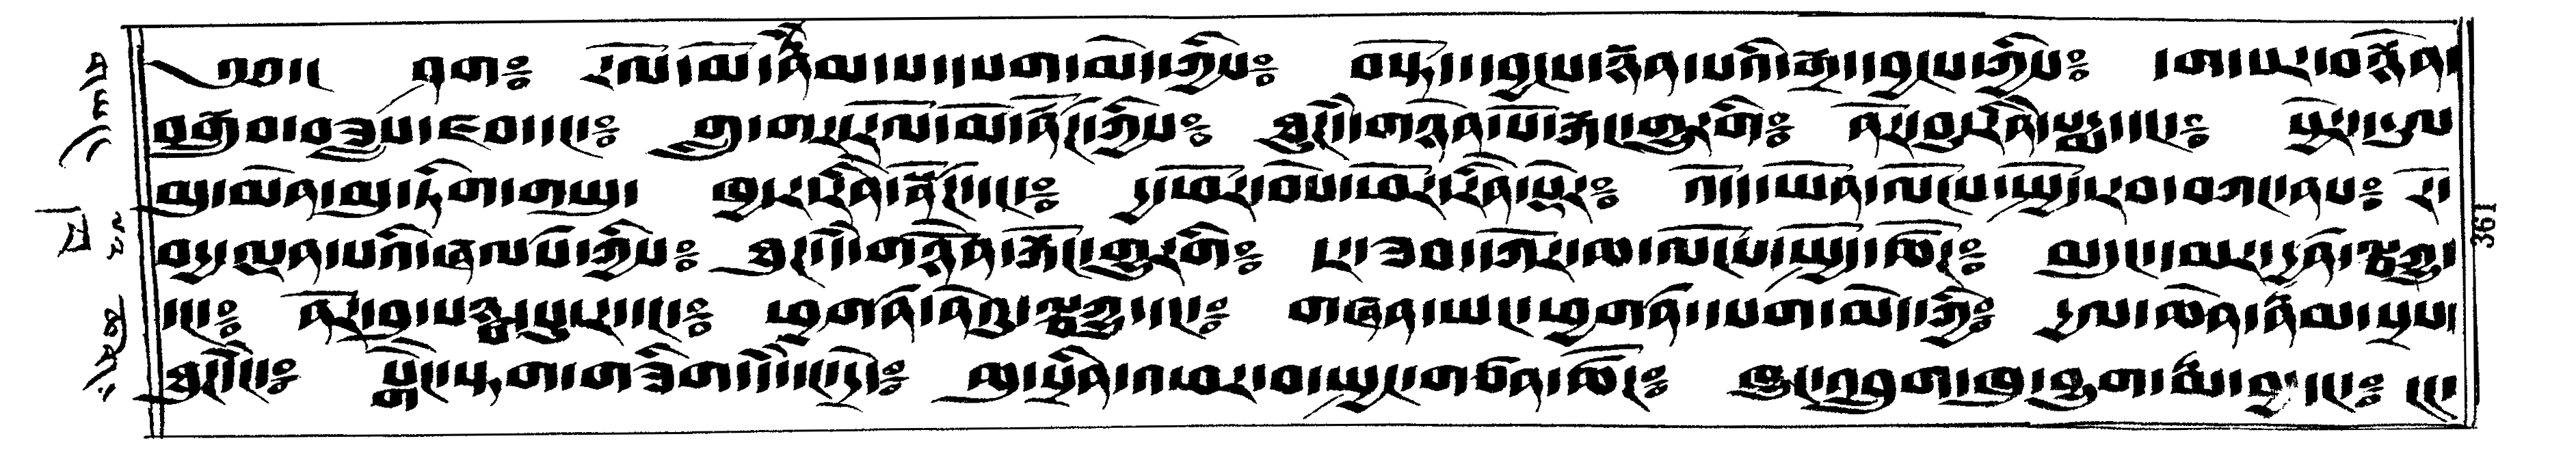ཤག༔ རོལ་མོ་རྣམ་པ་དཔག་མེད་ཀྱིས༔ བསྟོད་དབྱངས་སྙན་པའི་སྒྲ་དབྱངས་ཀྱིས༔ དག་པར་བསྙེན་
བསྒྲུབ་བཟླས་ཛབ་དང༔ གླུ་གར་རོལ་མོ་སྣ་ཚོགས་ཀྱིས༔ ཐུགས་དམ་གཉན་པོ་བསྐང་གྱུར་ཅིག༔ ནོར་བུ་རིན་ཆེན་པདྨ་དང༔ གསེར་དངུལ་
མུ་མེན་མུ་ཏིག་གཡུ། །ཁྱད་པར་རིན་ཆེན་སྣ་ཚོགས་དང་། །རྒྱ་ཕོར་བསེ་ཕོར་རིན་ཆེན་སྡེར༔ འདོད་ཡོན་ལོངས་སྤྱོད་རབ་བཀང་ནས༔ རོ་
བརྒྱ་ལྡན་པའི་ཞལ་ཟས་ཀྱིས༔ ཐུགས་དམ་གཉན་པོ་བསྐང་གྱུར་ཅིག༔ དར་ཟབ་དཀོར་ཆ་ལོངས་སྤྱོད་ཚོགས༔ མདུང་དམར་རྒྱལ་མཚན་ལྕགས་ཀྱུ་
དང༔ ནོར་བུ་པཉྩ་པུ་ར་དང༔ ཕྱག་མཚན་ནེའུ་ལེ་ལྕགས་ཀྱུ་དང༔ གཞན་ཡང་ཕྱག་མཚན་དཔག་མེད་ཀྱིས༔ རྒྱལ་ཆེན་རྣམ་སྲས་
ཐུགས་དམ་བསྐང༔ སེངྒེ་སྟག་གཟིག་དོམ་དང་དྲེད༔ ཆུ་སྲིན་འཕར་བ་སྤྱང་གཅན་ཚོགས༔ ཁྱུང་འབྲུག་ཁུ་བྱུག་རྨ་བྱ་དང༔ ངང་